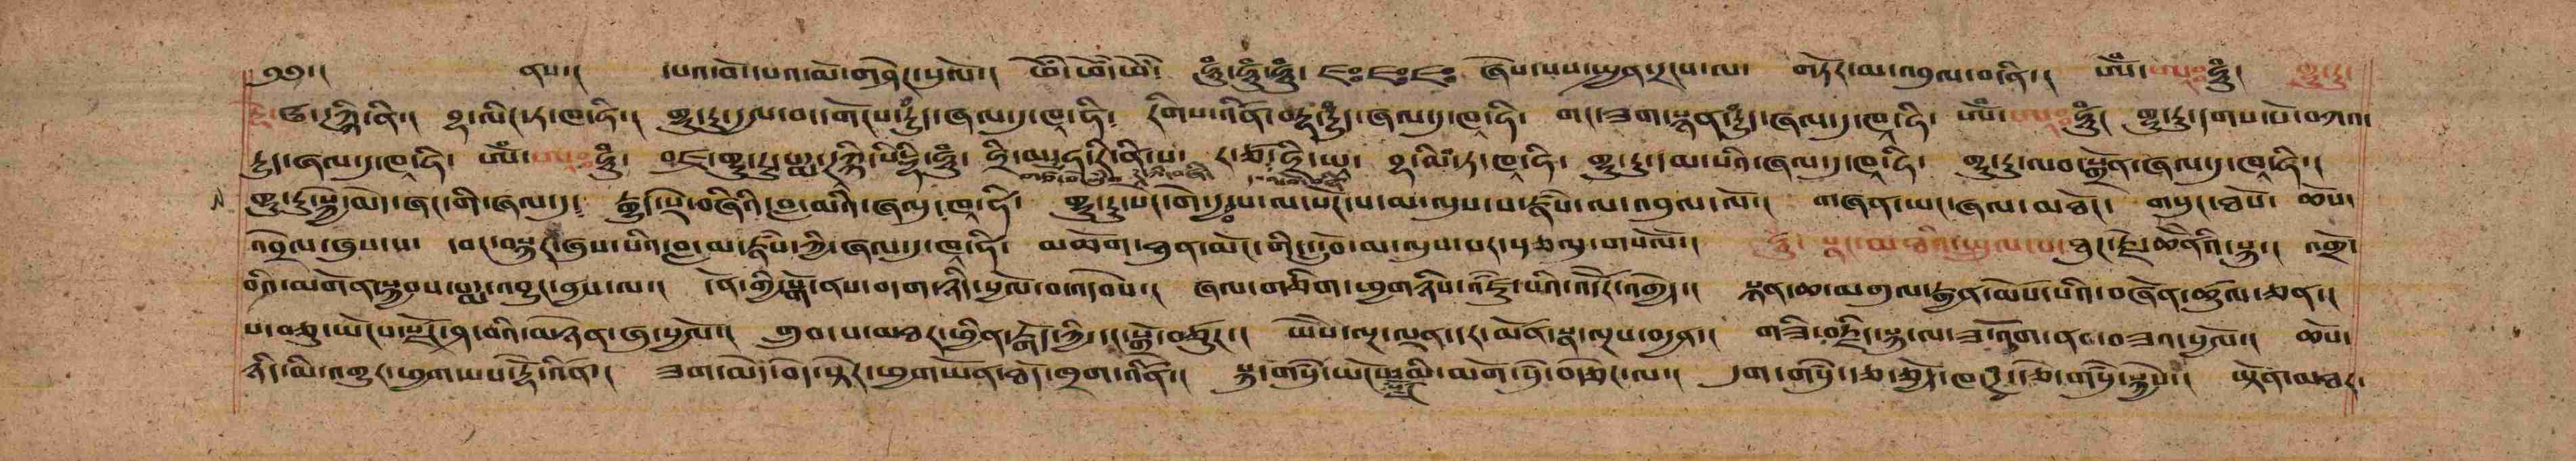༄༅།། ནས།། དཔའ་བོ་དཔའ་མོ་གཤེགས་སུ་གསོལ།། ཕེཾ་ཕེཾ་ཕེཾ། ཧཱུཾ་ཧཱུཾ་ཧཱུཾ། ཛཿཛཿཛཿ ཞེས་པས་སྤྱན་དྲངས་ལ། གཏོར་མ་འབུལ་བ་ནི། ཨོཾ་ཨཱཿཧཱུཾ། གྷུ་རུ་
དྷེ་ཝ་ཌཀྐི་ནི།། བྷ་ལིང་ཏ་ཁ་ཧི།། གྷུ་རུ་རྒྱལ་བ་དགོངས་རྒྱུད་ཞལ་དུ་ཁཱ་ཧི། རིག་འཛིན་བརྡ་རྒྱུད་ཞལ་དུ་ཁཱ་ཧི། གང་ཟག་སྙན་རྒྱུད་ཞལ་དུ་ཁཱ་ཧི། ཨོཾ་ཨཱཿཧཱུཾ། གྷུ་རུ་དགས་པོ་བཀའ་
རྒྱུད་ཞལ་དུ་ཁཱ་ཧི། ཨོཾ་ཨཱཿཧཱུཾ། བཛྲ་གྷུ་རུ་པདྨ་ཌཱཀྐི་སིདྡྷི་ཧཱུཾ། ཧྲི་མ་ཧ་རི་ནི་ས་ར་ཙ་ཧྲི་ཡ་བྷ་ལིཾ་ཏ་ཁ ཧི། གྷུ་རུ་དམ་པའི་ཞལ་དུ་ཁཱ་ཧི། གྷུ་རུ་ལབ་སྒྲོན་ཞལ་དུ་ཁཱ་ཧི།། 
གྷུ་རུ་སྐྱེ་མེད་ཞང་གི་ཞལ་དུ་ཁཱ་ཧི།། རྒྱུད་སྡེ་བཞིའི་བླ་མའི་ཞལ་དུ་ཁཱ་ཧི།། གྷུ་རུ་སེང་གེ་རྒྱས་པ་ལ་སོགས་པ་མ་ལུས་པ་རྣམས་ལ་འབུལ་ལོ།། གཞན་ཡང་ཞལ་མཐོང་། གསུང་ཐོས། ཆོས་
འབྲེལ་ཞུས་པ། དབང་བསྐུར་ཞུས་པའི་བླ་མ་རྣམས་ཀྱི་ཞལ་དུ་ཁཱ་ཧི།། མཆོག་ཐུན་མོང་གི་དངོས་གྲུབ་མ་ལུས་པར་སྩལ་དུ་གསོལ་ལོ།། ཧཱུཾ། སྣང་མཐའི་སྤྲུལ་པ་ཐུགས་རྗེ་ཆེན་པོའི་སྐུ།། འགྲོ་
བའི་སྐྱབས་མགོན་པདྨ་འབྱུང་གནས་ལ།། དོན་གྱི་སྒོ་ནས་བདག་ཉིད་གསོལ་བ་འདེབས།། ཞལ་གཅིག་ཕྱག་གཉིས་འཛུམ་པའི་འོད་ཟེར་འགྱེད།། སྙན་ཆ་མགུལ་རྒྱན་མཛེས་པའི་བཞོན་ཚུལ་ཅན།། 
ས་བཅུ་ཡོངས་རྫོགས་ཤ་བའི་མཉེན་ཞུ་གསོལ།། གྲུབ་པ་མཐར་ཕྱིན་རྒོད་ཀྱི་དང་སྒྲོ་བཙུགས།། ཡེ་ཤེས་ལྔ་ལྡན་དར་མཚོན་སྣ་ལྔས་བརྒྱན།། གཟི་བརྗིད་སྐུ་ལ་ཟ་འོག་ནབ་བཟའ་གསོལ།། ཆོས་
ཉིད་མི་འགྱུར་ཕྱག་གཡས་རྡོ་རྗེ་འཛིན།། ཟག་མེད་བདེ་སྟེར་ཕྱག་གཡོན་ཐོད་ཁྲག་འཛིན།། སྐུ་གསུམ་ཡོངས་རྫོགས་མི་མགོ་སུམ་བརྩེགས་ལ།། དུག་གསུམ་རྩ་གཅོད་ཁ་ཊཾ་རྩེ་གསུམ་སྐྱེས།། ཡོན་ཏན་མཐར་